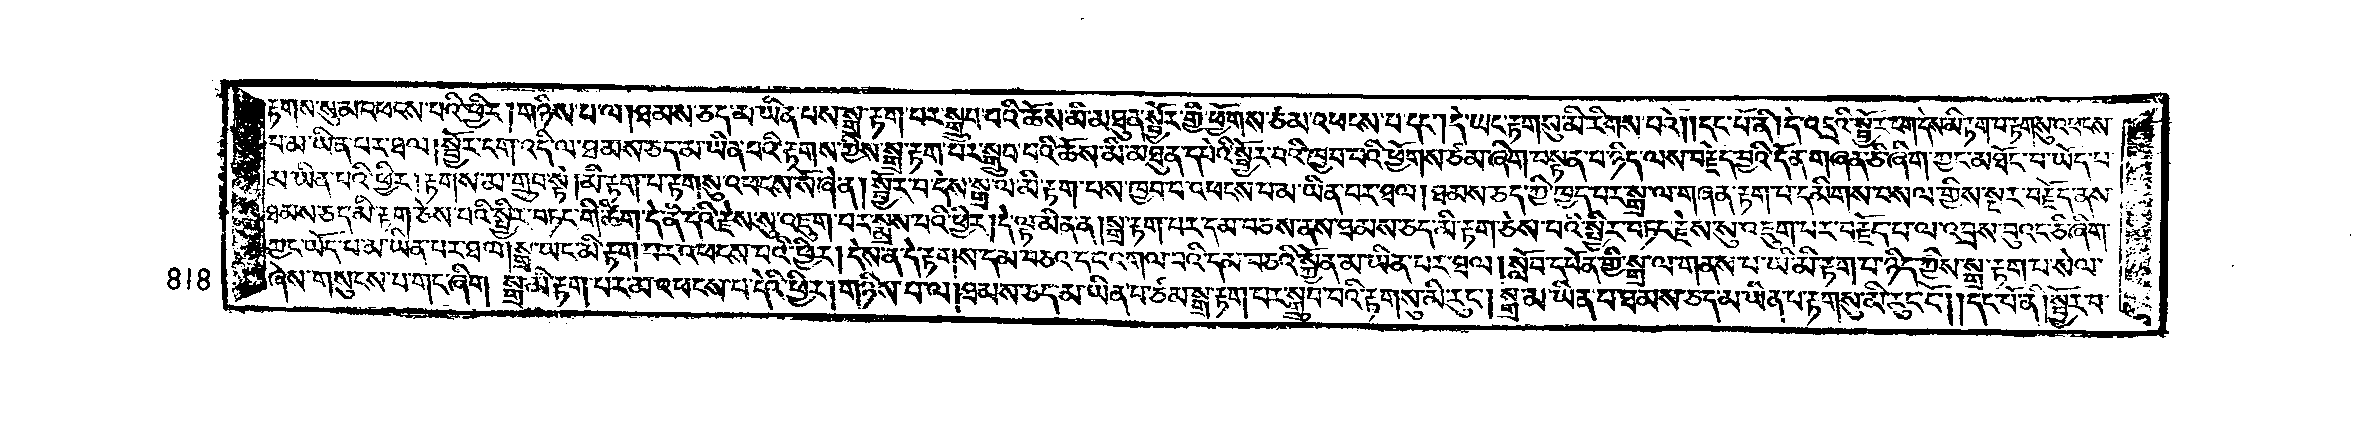རྟགས་སུ་མ་འཕངས་པའི་ཕྱིར། གཉིས་པ་ལ། ཐམས་ཅད་མ་ཡིན་པས་སྒྲ་?་རྟག་པར་སྒྲུབ་པའི་ཆོས་མི་མཐུན་སྦྱོར་གྱི་ཕྱོགས་ཙམ་འཕངས་པ་དང་། དེ་ཡང་རྟགས་སུ་མི་རིགས་པའོ། །དང་པོ་ནི། དེ་འདྲའི་སྦྱོར་དག་དེས་མི་རྟག་པ་རྟགས་སུ་འཕངས་
པ་མ་ཡིན་པར་ཐལ། སྦྱོར་ངག་འདི་ལ་ཐམས་ཅད་མ་ཡིན་པའི་རྟགས་ཀྱིས་སྒྲ་རྟག་པར་སྒྲུབ་པའི་ཆོས་མི་མཐུན་དཔེའི་སྦྱོར་བའི་ཁྱབ་པའི་ཕྱོགས་ཙམ་ཞིག་བསྟན་པ་ཉིད་ལས་བརྗོད་བྱའི་དོན་གཞན་ཅི་ཞིག་ཀྱང་མཐོང་བ་ཡོད་པ་
མ་ཡིན་པའི་ཕྱིར། རྟགས་མ་གྲུབ་སྟེ། མི་རྟག་པ་རྟགས་སུ་འཕངས་སོ་ཞེ་ན། སྦྱོར་བ་དེས་སྒྲ་ལ་མི་རྟག་པས་ཁྱབ་པ་འཕངས་པ་མ་ཡིན་པར་ཐལ། ཐམས་ཅད་ཀྱི་ཁྱད་པར་སྒྲ་ལ་གཞན་རྟག་པ་དམིགས་བསལ་གྱིས་སྔར་བརྗོད་ནས་
ཐམས་ཅད་མི་རྟག་ཅེས་པའི་སྤྱིར་བཏང་གི་ཚིག་དེ་ནི་དེའི་རྗེས་སུ་འཇུག་པར་སྨྲས་པའི་ཕྱིར། དེ་ལྟ་མིན་ན། སྒྲ་རྟག་པར་དམ་བཅས་ནས་ཐམས་ཅད་མི་རྟག་ཅེས་པའི་སྤྱིར་བཏང་རྗེས་སུ་འཇུག་པར་བརྗོད་པ་ལ་འབྲས་བུའང་ཅི་ཞིག་
ཀྱང་ཡོད་པ་མ་ཡིན་པར་ཐལ། སྒྲ་ཡང་མི་རྟག་པར་འཕངས་པའི་ཕྱིར། དེས་ན་དེ་རྟགས་དམ་བཅའ་དང་འགལ་བའི་དམ་བཅའི་སྐྱོན་མ་ཡིན་པར་ཐལ། སློབ་དཔོན་གྱི་སྒྲ་ལ་གནས་པ་ཡི་མི་རྟག་པ་ཉིད་ཀྱིས་སྒྲ་རྟག་པ་སེལ་
ཞེས་གསུངས་པ་གང་ཞིག་སྒྲ་མི་རྟག་པར་མ་འཕངས་པ་དེའི་ཕྱིར། གཉིས་པ་ལ། ཐམས་ཅད་མ་ཡིན་པ་ཙམ་སྒྲ་རྟག་པར་སྒྲུབ་པའི་རྟགས་སུ་མི་རུང་། སྒྲ་མ་ཡིན་པ་ཐམས་ཅད་མ་ཡིན་པ་རྟགས་སུ་མི་རུང་ངོ། །དང་པོ་ནི། སྦྱོར་བ་